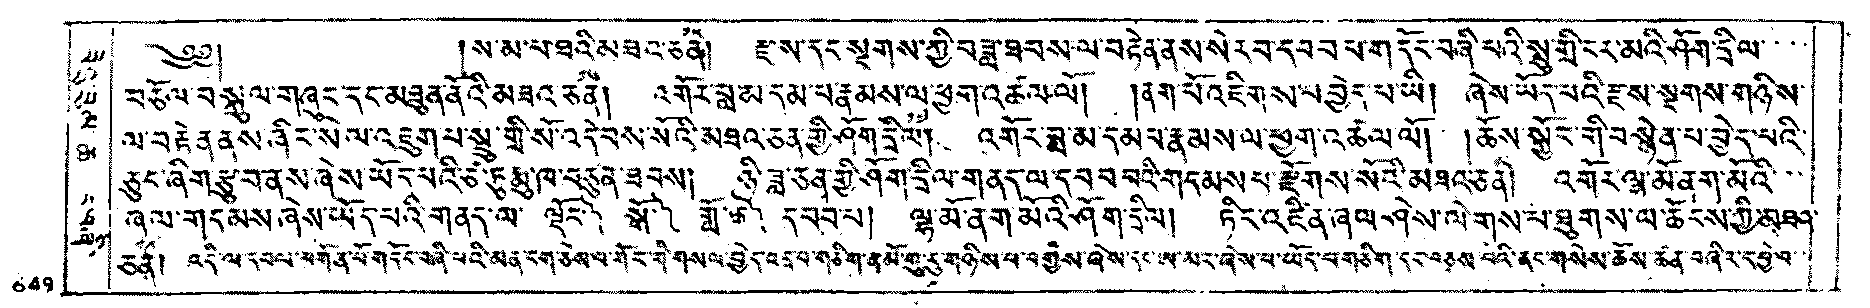༄༅། །ས་མ་པ་ཐའི་མཐའ་ཅན ༡༥། རྫས་དང་སྔགས་ཀྱི་བཟླ་ཐབས་ལ་བརྟེན་ནས་སེ་ར་བ་དབབ་པ་གདོང་བཞི་པའི་སྤུ་གྲི་ངར་མའི་ཤོག་དྲིལ་
བཅོལ་བསྐུལ་གཞུང་དང་མཐུན་ནོའི་མཐའ་ཅན ༡༦། འགོར་བླ་མ་དམ་པ་རྣམས་ལ་ཕྱག་འཚལ་ལོ། །ནག་པོ་འཇིགས་པ་བྱེད་པ་ཡི། ཞེས་ཡོད་པའི་རྫས་སྔགས་གཉིས་
ལ་བརྟེན་ནས་ཞིང་སེལ་འཇུག་པ་སྤུ་གྲི་སོ་འདེབས་སོའི་མཐའ་ཅན་གྱི་ཤོག་དྲིལ ༡༧། འགོར་བླ་མ་དམ་པ་རྣམས་ལ་ཕྱག་འཚལ་ལོ། །ཆོས་སྐྱོང་གི་བསྙེན་པ་བྱེད་པའི་
ཅུང་ཞིག་རྩུབ་ནས་ཞེས་ཡོད་པའི་ཙ་ཏུ་རྨུ་ཁ་བཅུན་ཐབས། ཉི་ཟླ་ཅན་གྱི་ཤོག་དྲིལ་གནད་ལ་དབབ་པའི་གདམས་པ་རྫོགས་སོའི་མཐའ་ཅན ༡༨། འགོར་ལྷ་མོ་ནག་མོའི་
ཞལ་གདམས་ཞེས་ཡོད་པའི་གནད་ལ་ལྡོང྄་སྒ྄ོ་གློ་~྾?་དབབ་པ། ལྷ་མོ་ནག་མོའི་ཤོག་དྲིལ། ཏིང་འཛིན་ཞལ་ཤེས་ལེགས་པ་ཐུགས་ལ་ཆོངས་ཀྱི་མཐའ་
ཅན ༡༩། འདི་ལ་དཔལ་མགོན་པོ་གདོང་བཞི་པའི་མན་ངག་ཅེས་པ་གོང་གི་གསལ་བྱེད་འདྲ་བ་གཅིག་ན་མོ་གུ་རུ་གཉིས་པ་བགྱིས་ཞེས་དང་ཨ་མ་ར་ཞེས་པ་ཡོད་པ་གཅིག་དང་བཅས་པའི་ནང་གསེས་ཆོས་ཚན་བཞིར་དབྱེ་བ་